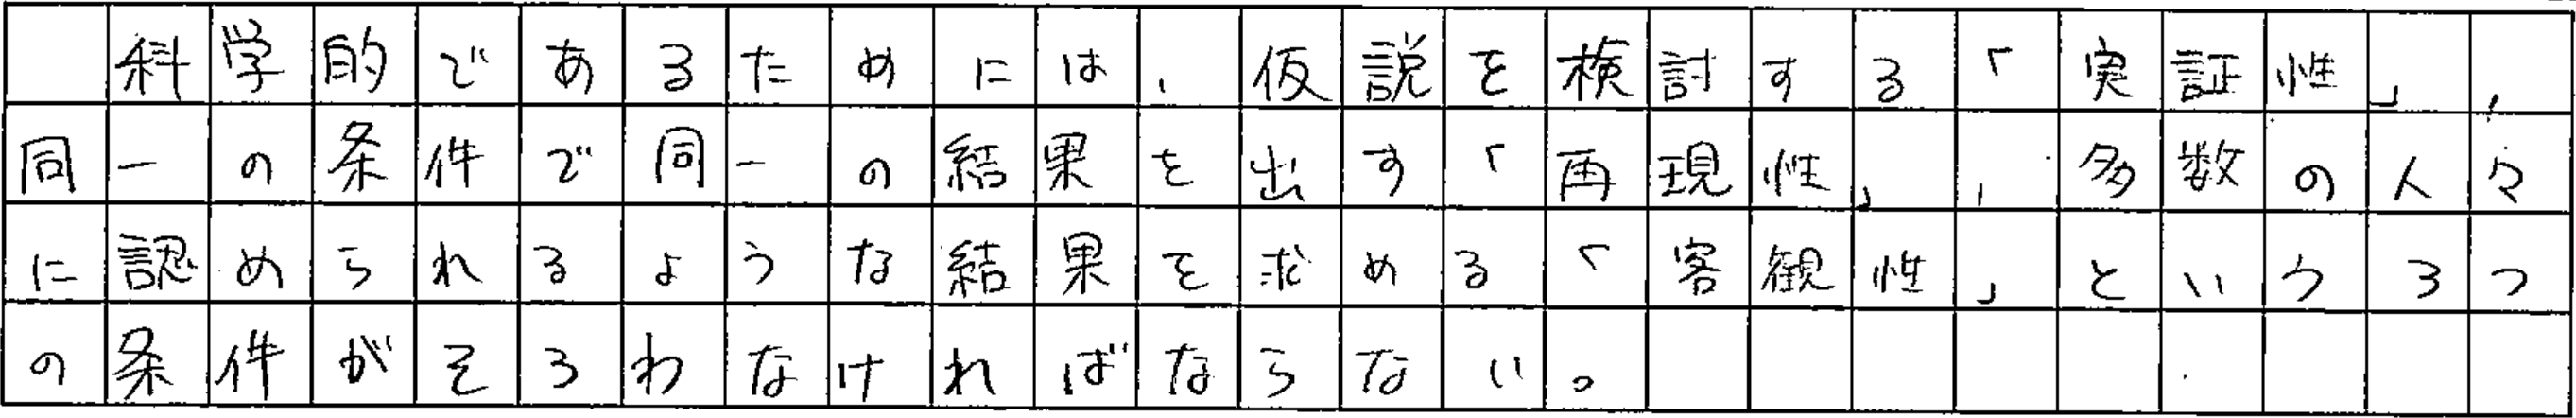　科学的であるためには、仮説を検討する「実証性」、同一の条件で同一の結果を出す「再現性」、多数の人々に認められるような結果を求める「客観性」という３つの条件がそろわなければならない。
